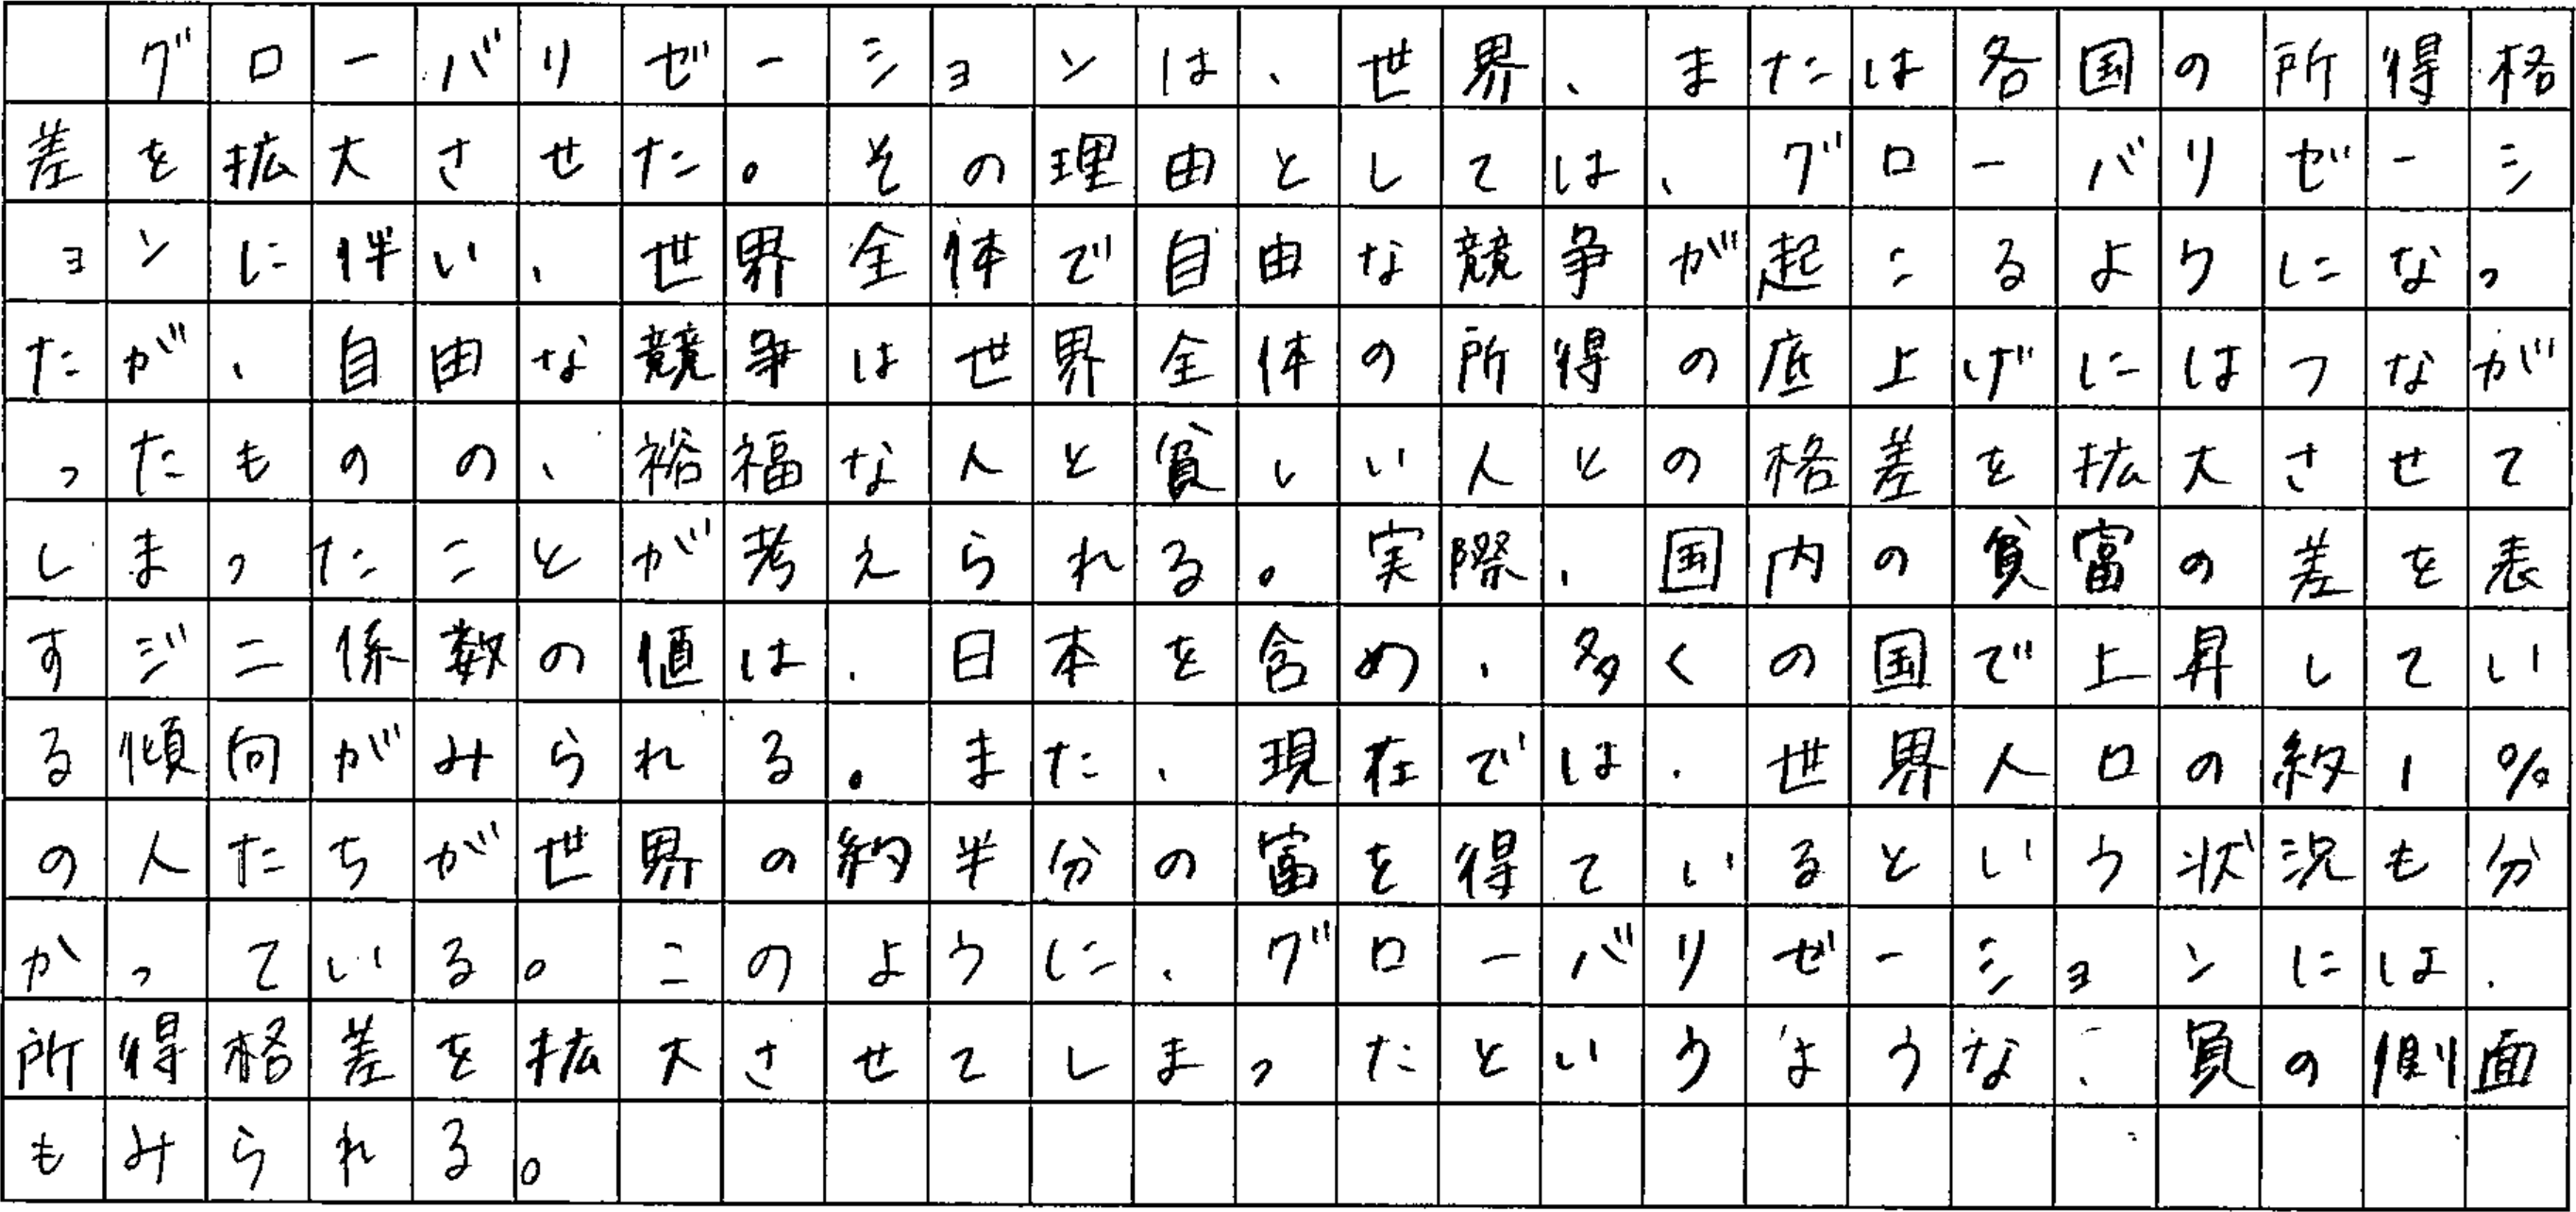　グローバリゼーションは、世界、または各国の所得格差を拡大させた。その理由としては、グローバリゼーションに伴い、世界全体で自由な競争が起こるようになったが、自由な競争は世界全体の所得の底上げにはつながったものの、裕福な人と貧しい人との格差を拡大させてしまったことが考えられる。実際、国内の貧富の差を表すジニ係数の値は、日本を含め、多くの国で上昇している傾向がみられる。また、現在では、世界人口の約１％の人たちが世界の約半分の富を得ているという状況も分かっている。このように、グローバリゼーションには、所得格差を拡大させてしまったというような、負の側面もみられる。
